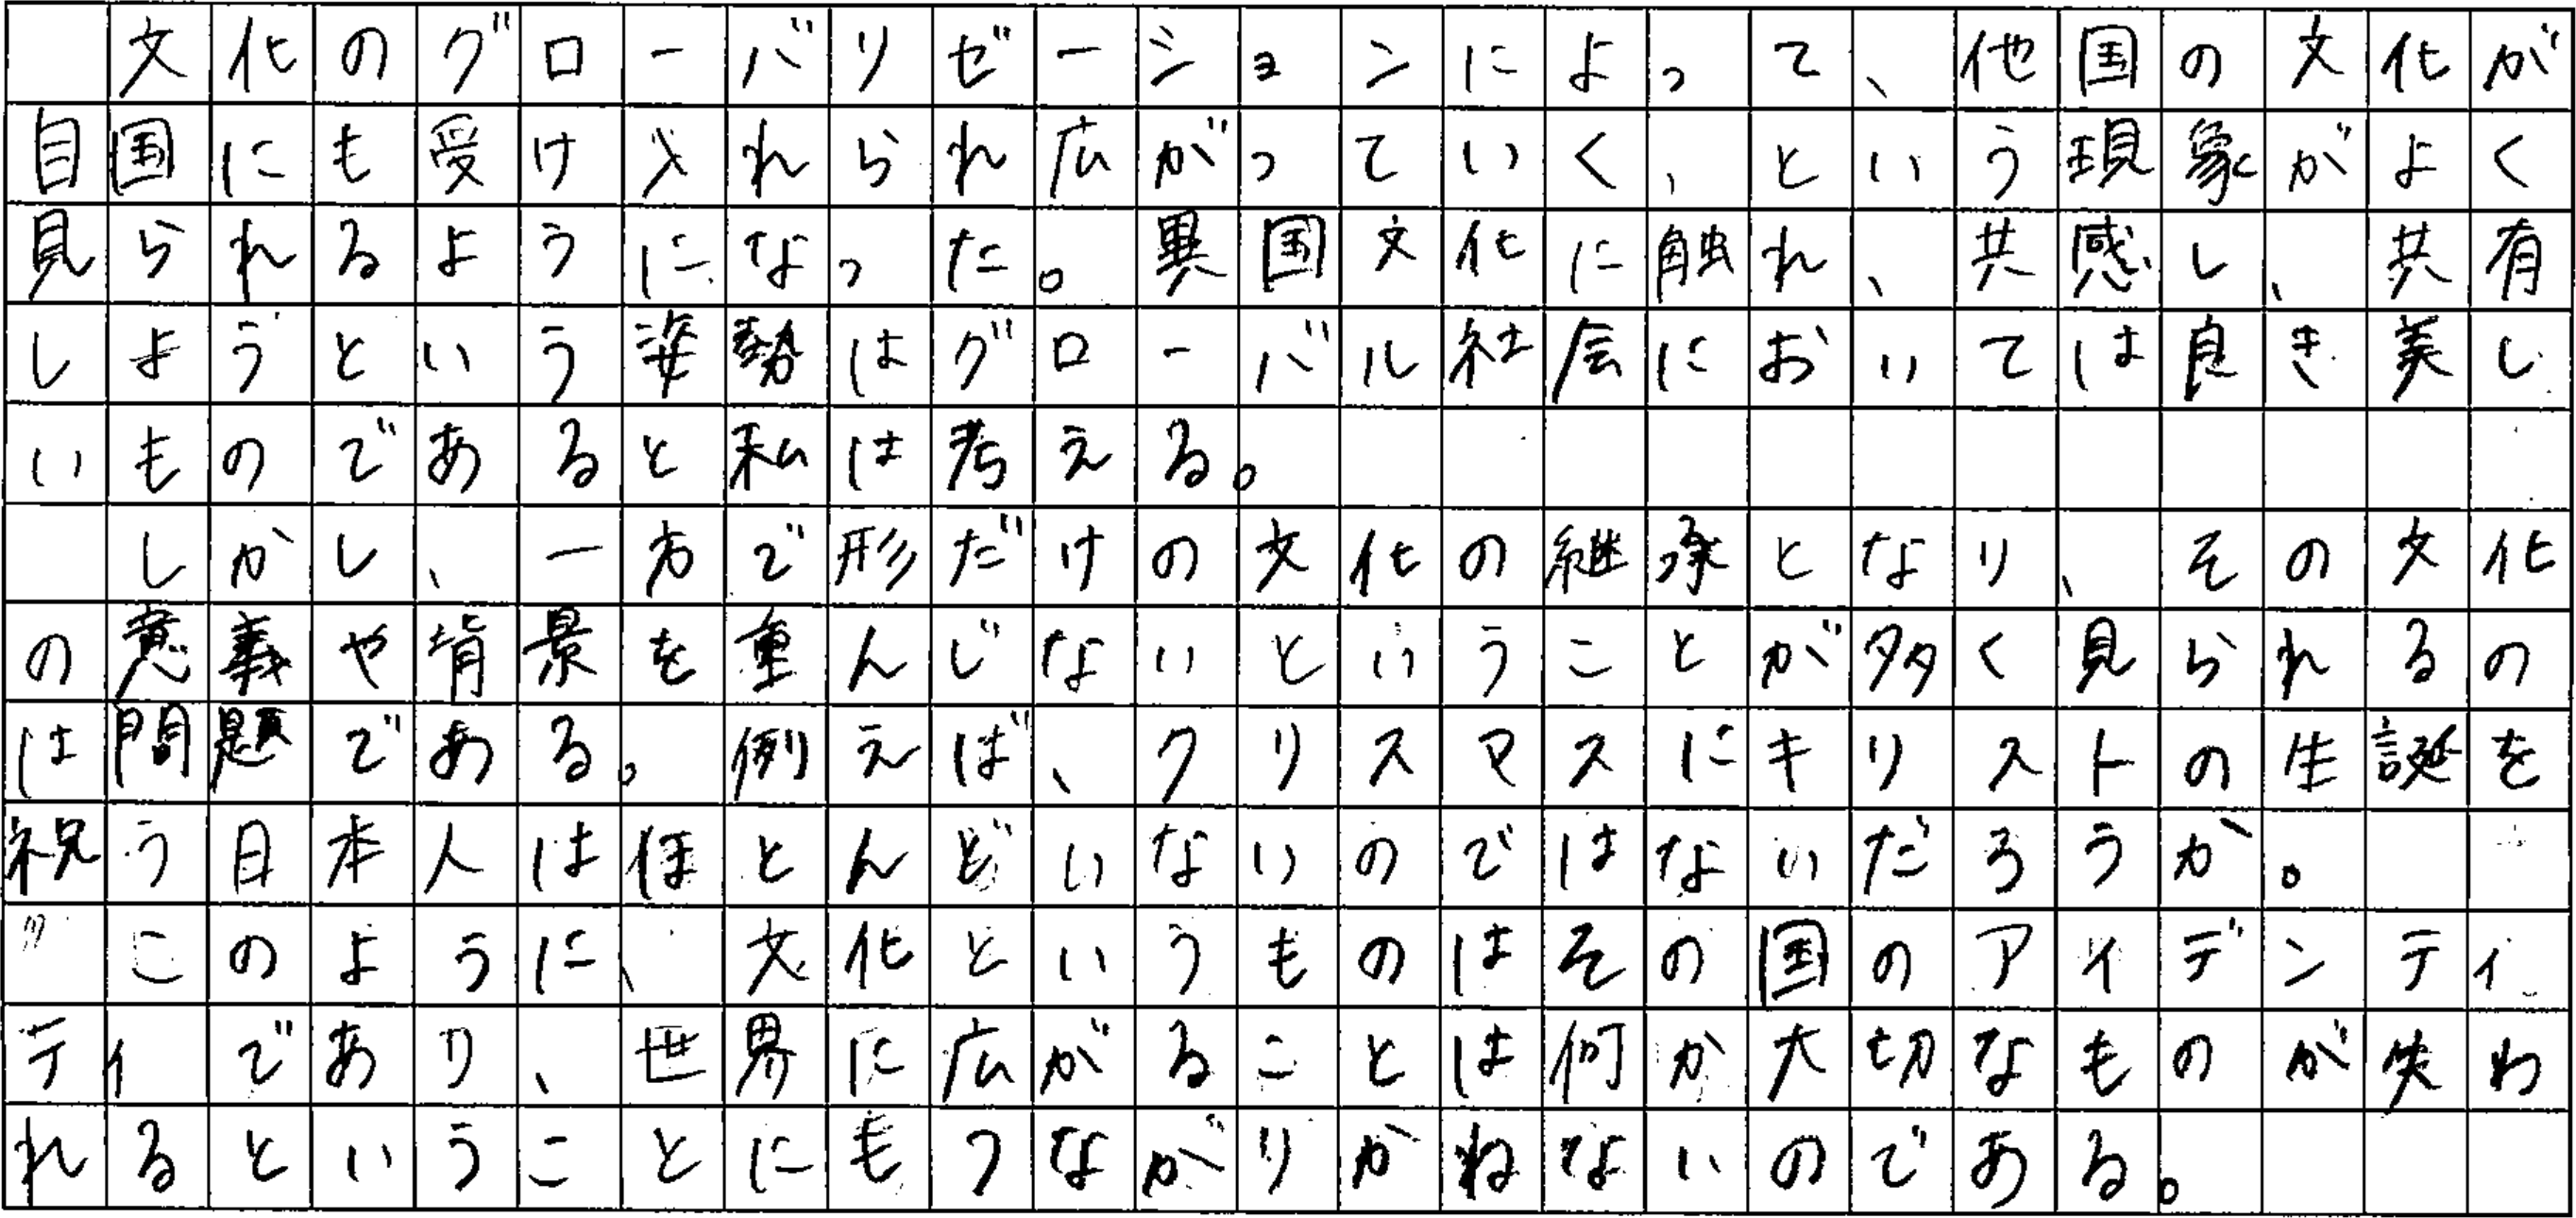　文化のグローバリゼーションによって、他国の文化が自国にも受け入れられ広がっていく、という現象がよく見られるようになった。異国文化に触れ、共感し、共有しようという姿勢はグローバル社会においては良き美しいものであると私は考える。
　しかし、一方で形だけの文化の継承となり、その文化の意義や背景を重んじないということが多く見られるのは問題である。例えば、クリスマスにキリストの生誕を祝う日本人はほとんどいないのではないだろうか。
　このように、文化というものはその国のアイデンティティであり、世界に広がることは何か大切なものが失われるということにもつながりかねないのである。
